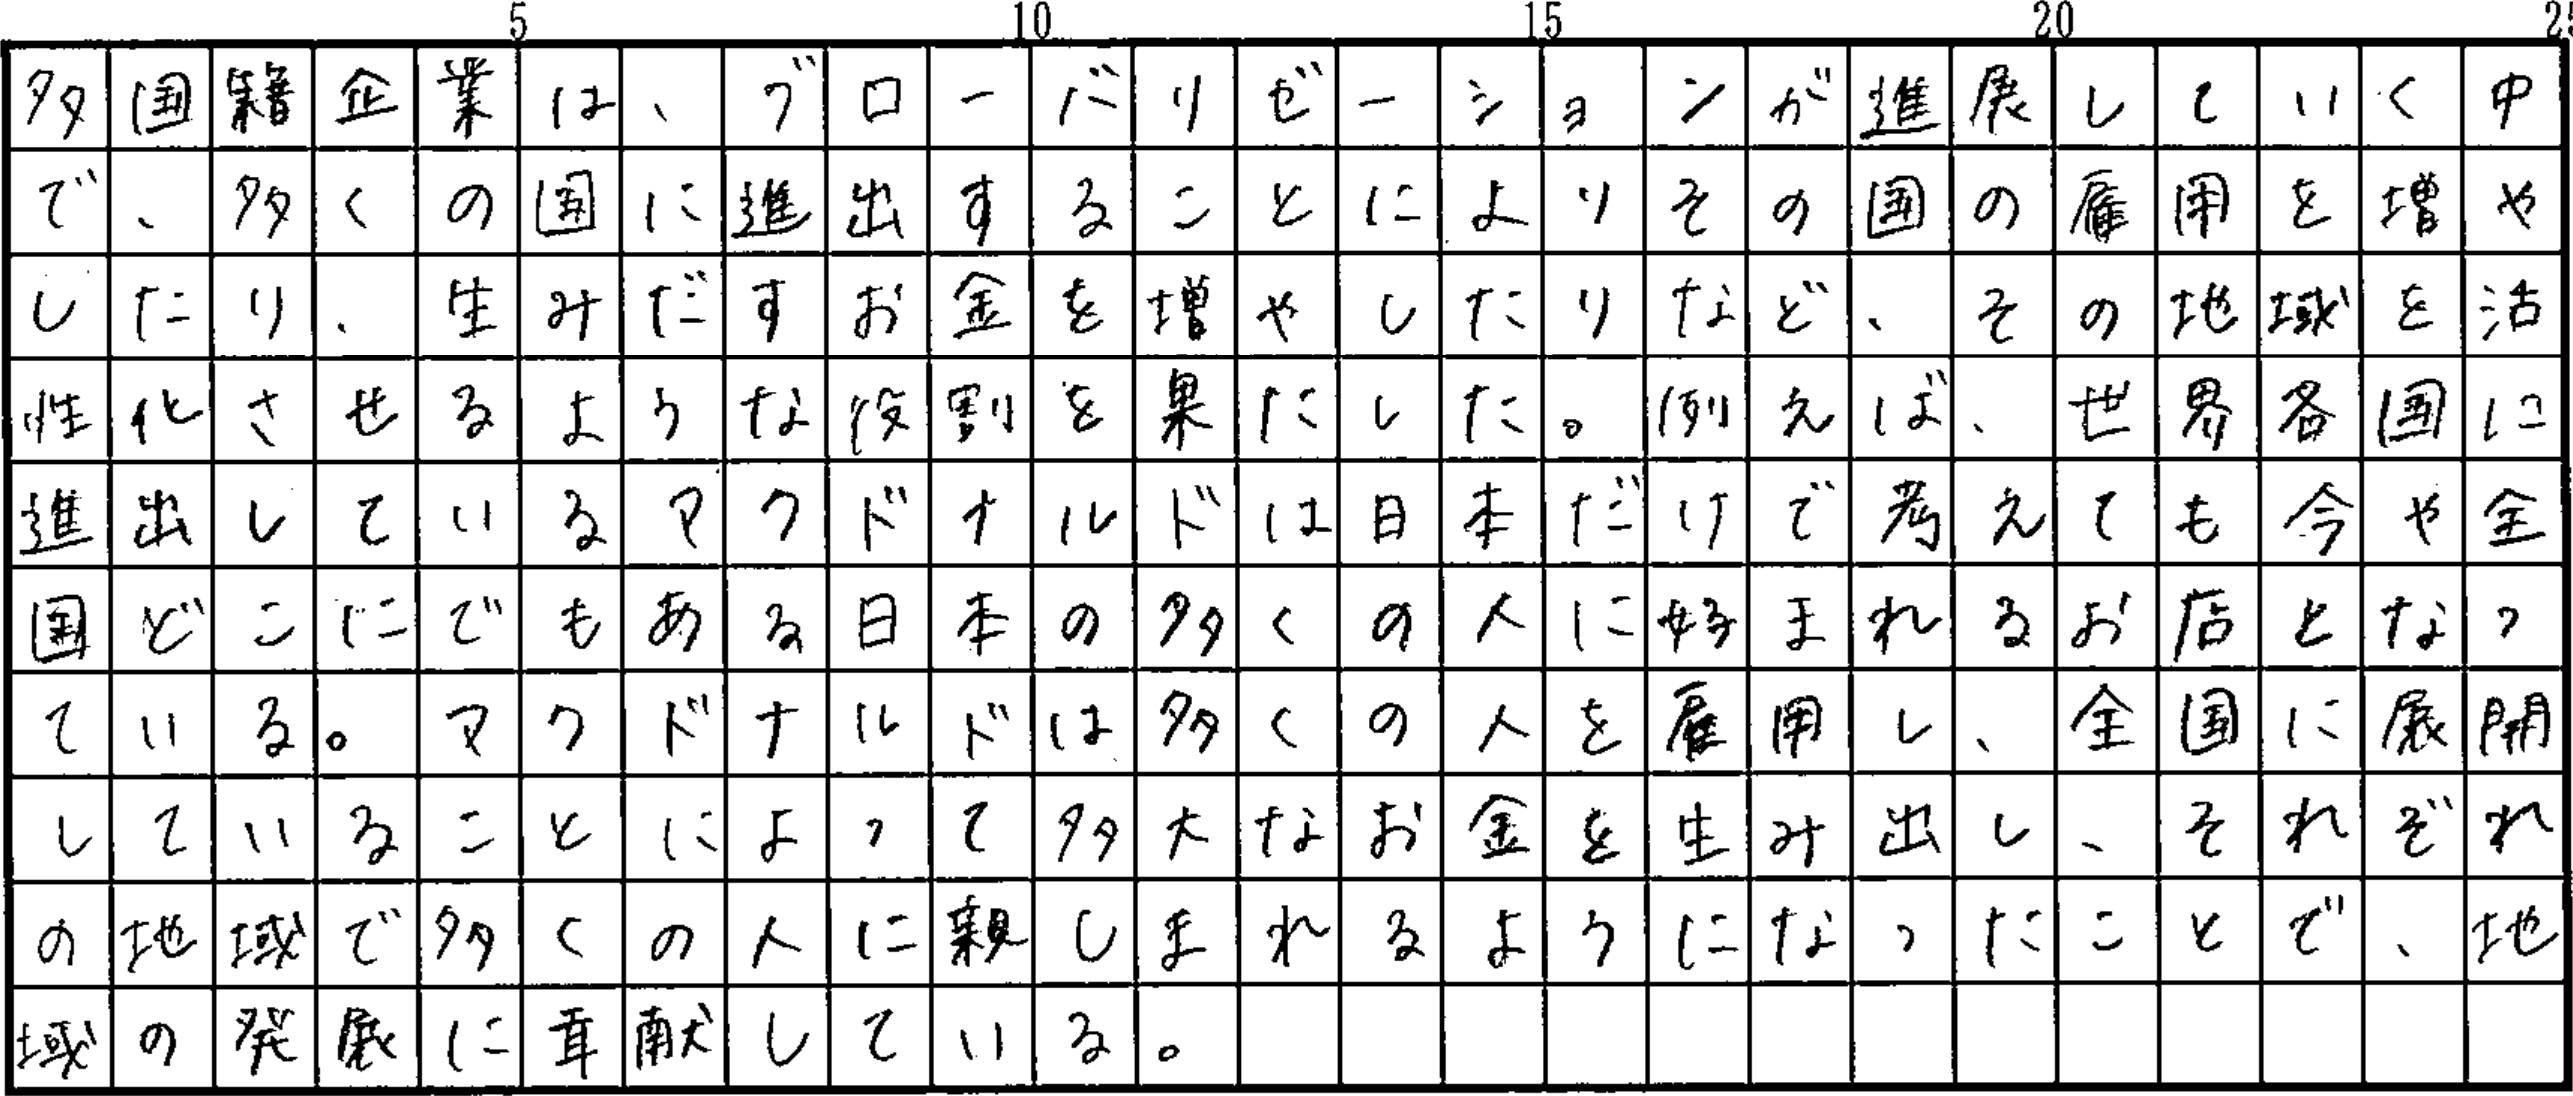多国籍企業は、グローバリゼーションが進展していく中で、多くの国に進出することによりその国の雇用を増やしたり、生み出すお金を増やしたりなど、その地域を活性化させるような役割を果たした。例えば、世界各国に進出しているマクドナルドは日本だけで考えても今や全国どこにでもある日本の多くの人に好まれるお店となっている。マクドナルドは多くの人を雇用し、全国に▁開していることによって多大なお金を生み出し、それぞれの地域で多くの人に親しまれるようになったことで、地域の発▁に▁献している。
